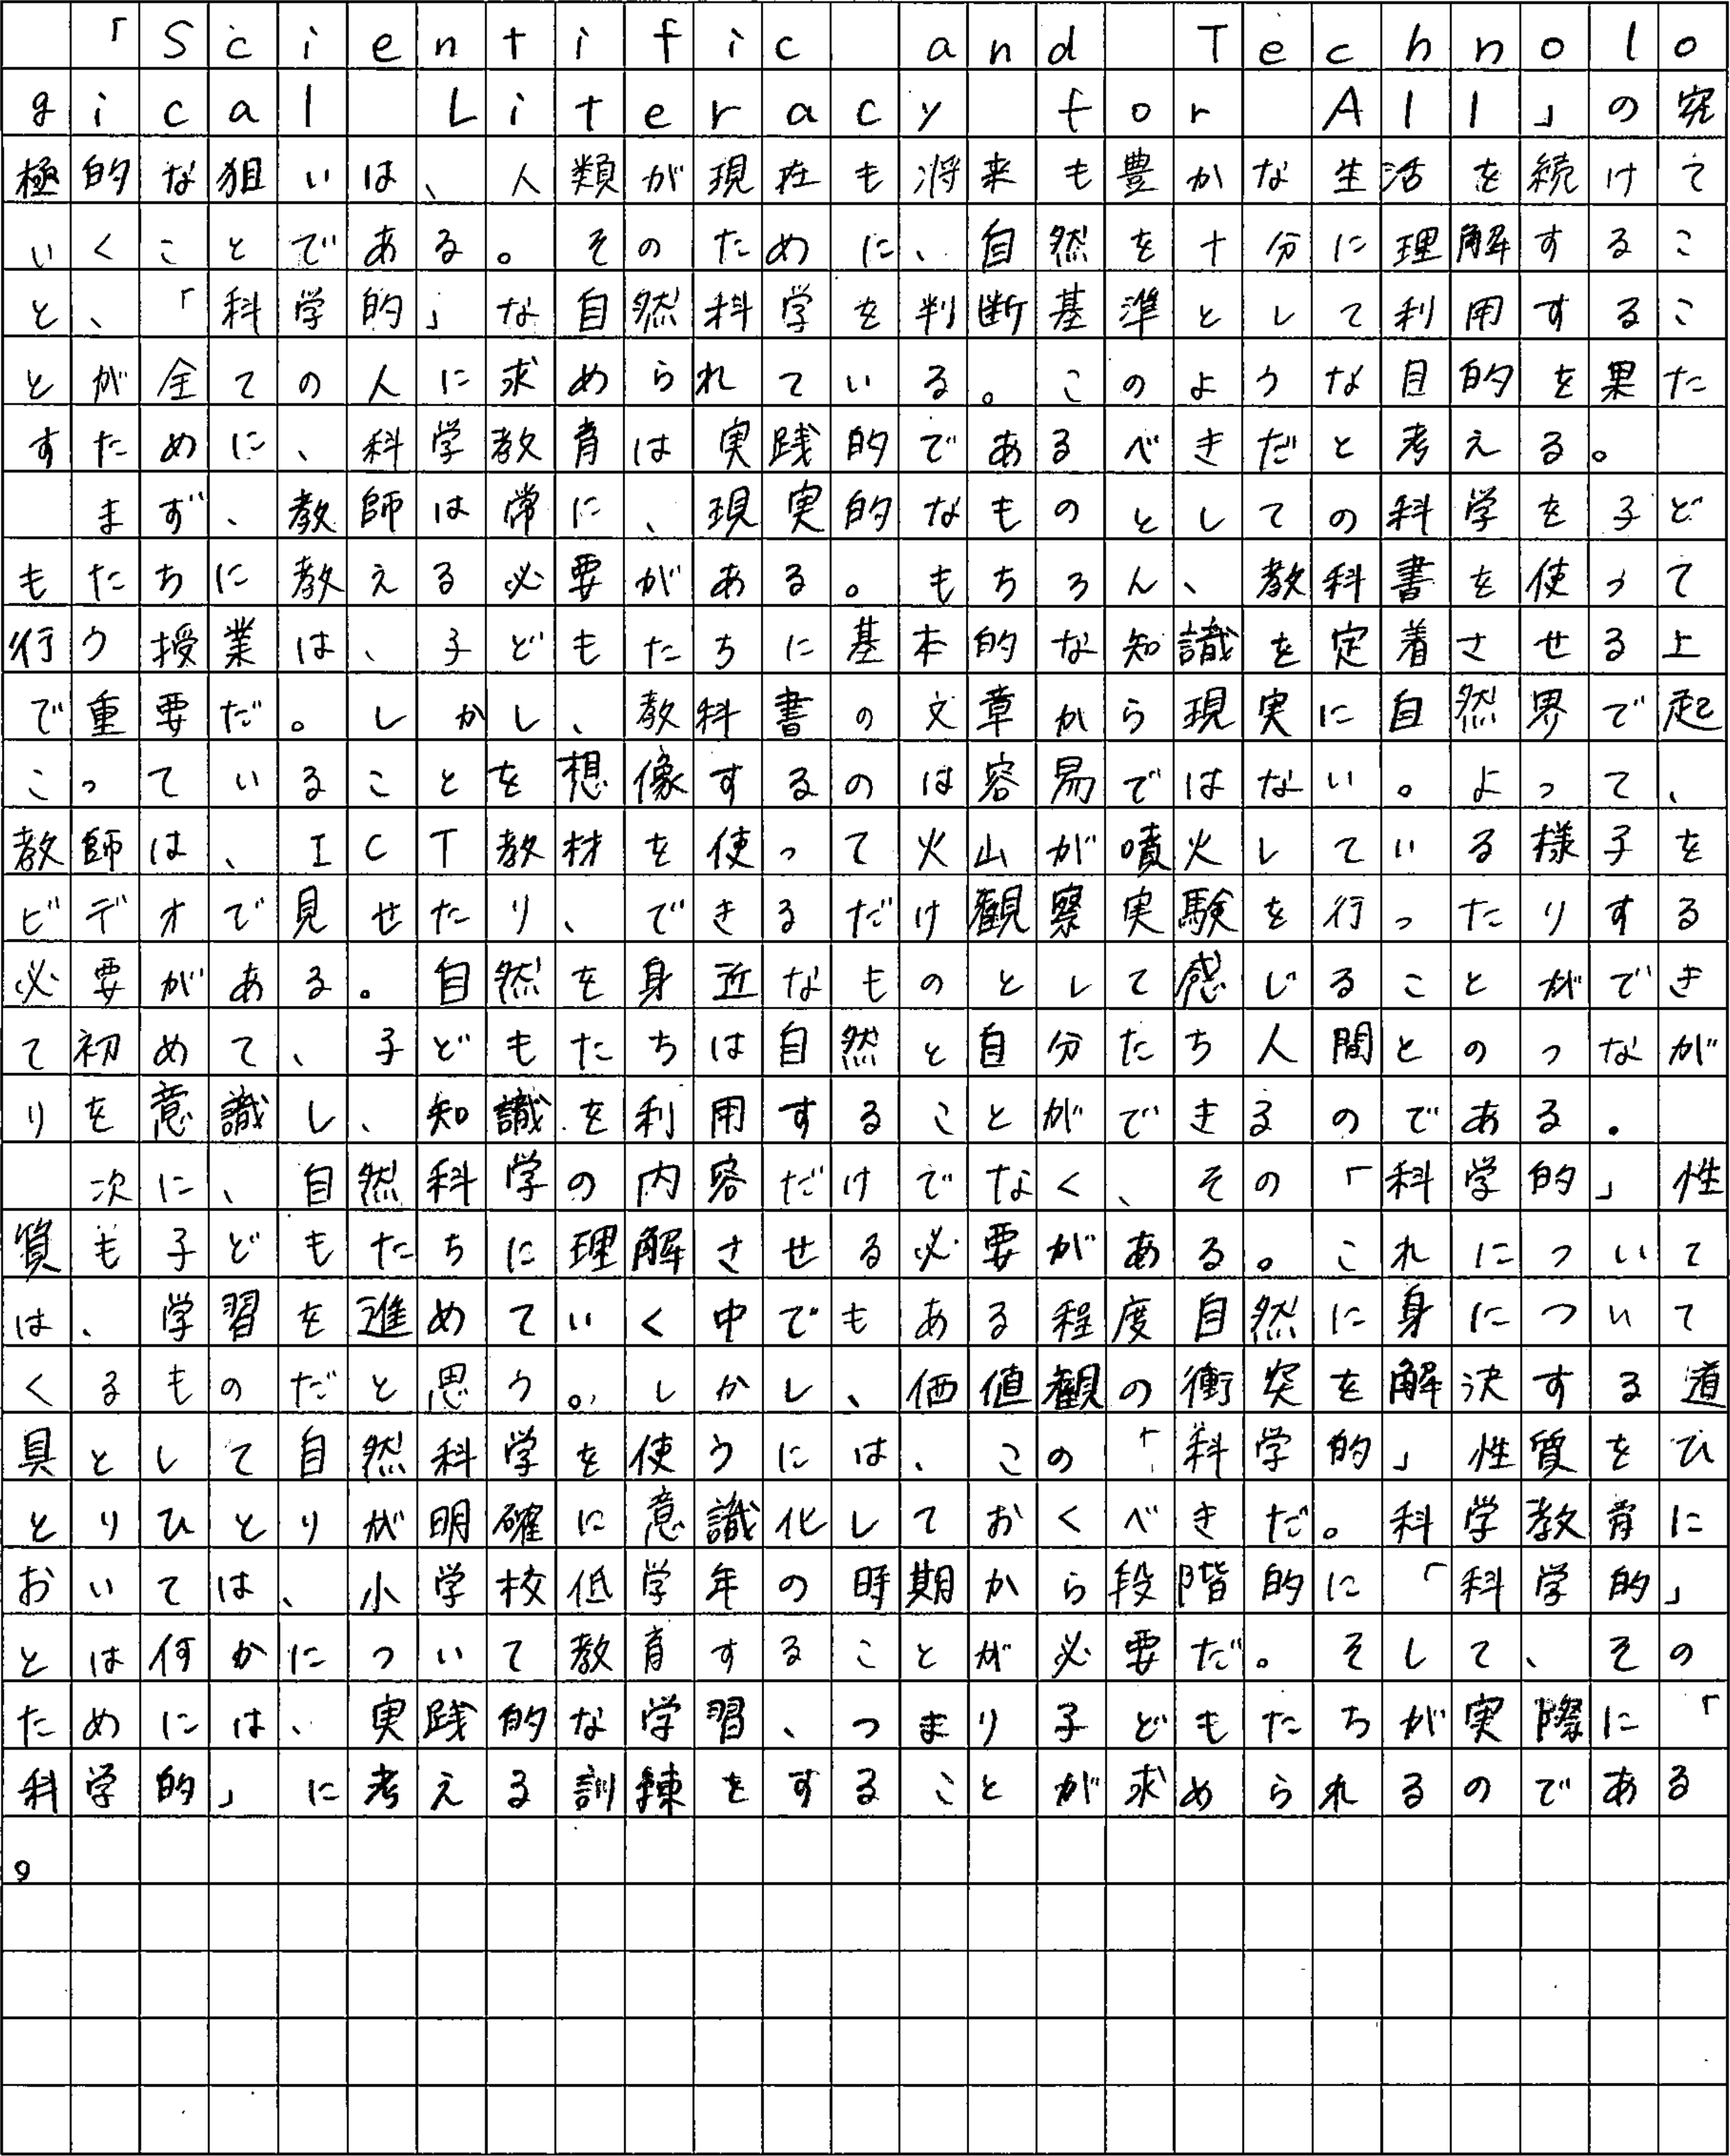　「Ｓｃｉｅｎｔｉｆｉｃ　ａｎｄ　Ｔｅｃｈｎｏｌｏｇｉｃａｌ　Ｌｉｔｅｒａｃｙ　ｆｏｒ　Ａｌｌ」の究極的な狙いは、人類が現在も将来も豊かな生活を続けていくことである。そのために、自然を十分に理解すること、「科学的」な自然科学を判断基準として利用することが全ての人に求められている。このような目的を果たすために、科学教育は実践的であるべきだと考える。
　まず、教師は常に、現実的なものとしての科学を子どもたちに教える必要がある。もちろん、教科書を使って行う授業は、子どもたちに基本的な知識を定着させる上で重要だ。しかし、教科書の文章から現実に自然界で起こっていることを想像するのは容易ではない。よって、教師は、ＩＣＴ教材を使って火山が噴火している様子をビデオで見せたり、できるだけ観察実験を行ったりする必要がある。自然を身近なものとして感じることができて初めて、子どもたちは自然と自分たち人間とのつながりを意識し、知識を利用することができるのである。
　次に、自然科学の内容だけでなく、その「科学的」性質も子どもたちに理解させる必要がある。これについては、学習を進めていく中でもある程度自然に身についてくるものだと思う。しかし、価値観の衝突を解決する道具として自然科学を使うには、この「科学的」性質をひとりひとりが明確に意識化しておくべきだ。科学教育においては、小学校低学年の時期から段階的に「科学的」とは何かについて教育することが必要だ。そして、そのためには、実践的な学習、つまり子どもたちが実際に「科学的」に考える訓練をすることが求められるのである。
